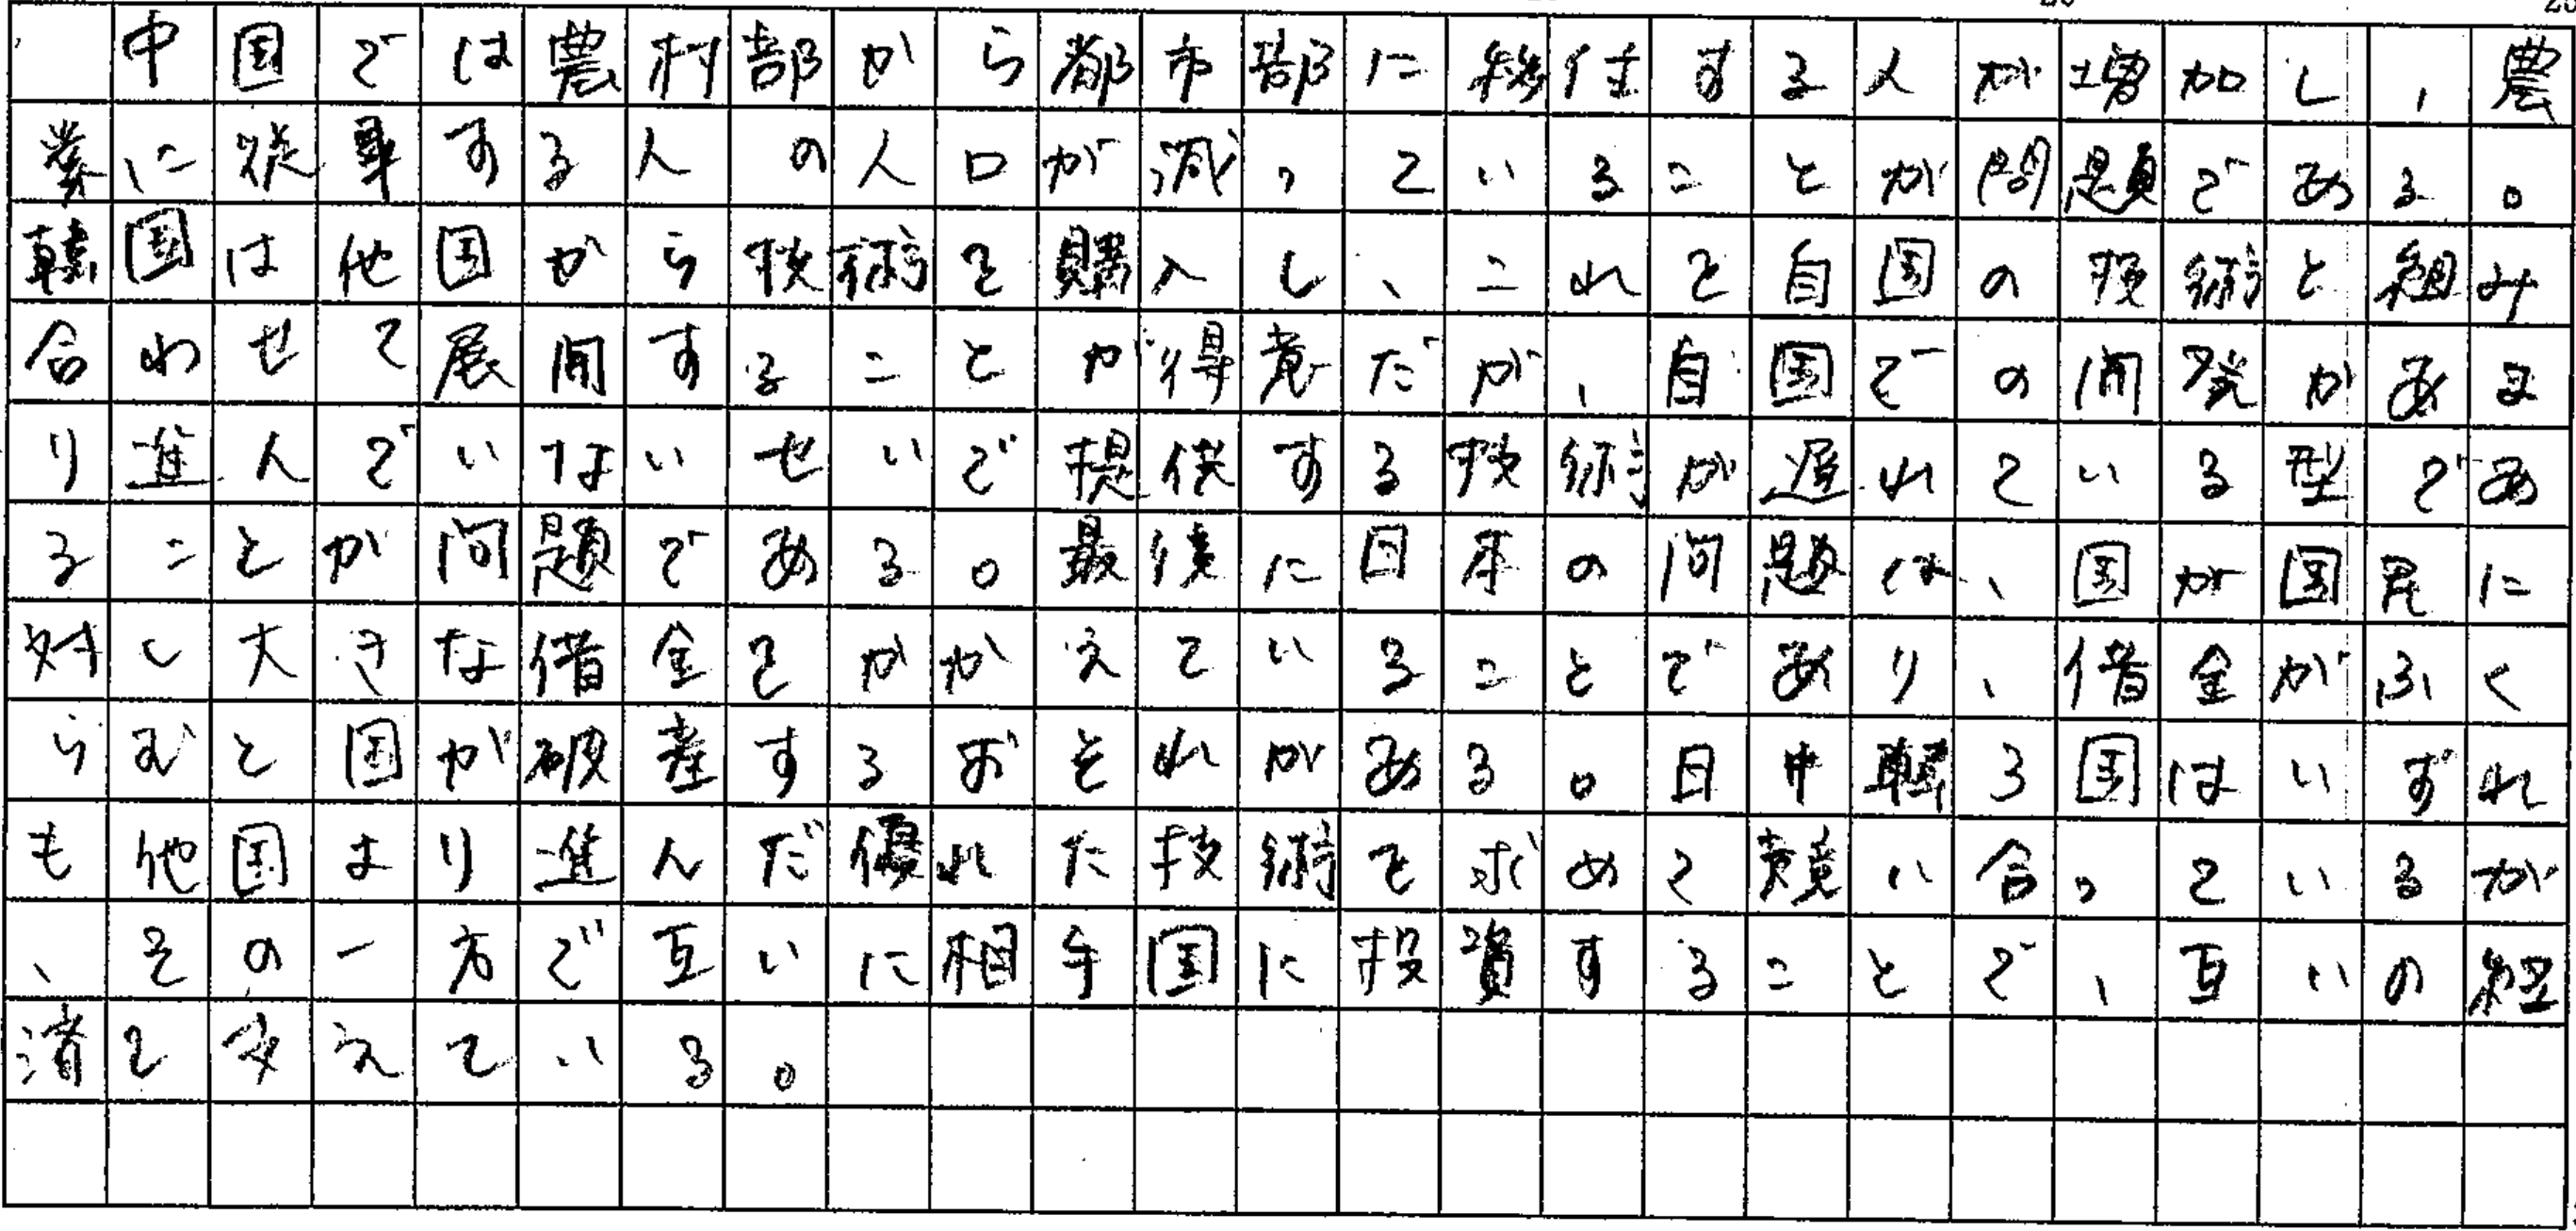　中国では農村部から都市部に移住する人が増加し，農業に従事する人の人口が減っていることが問題である。韓国は他国から技術を購入し、これを自国の技術と組み合わせて展開することが得意だが、自国での開発があまり進んでいないせいで提供する技術が遅れている型であることが問題である。最後に日本の問題は、国が国民に対し大きな借金をかかえていることであり、借金がふくらむと国が破産するおそれがある。日中韓３国はいずれも他国より進んだ優れた技術を求めて競い合っているが、その一方で互いに相手国に投資することで、互いの経済を支えている。
